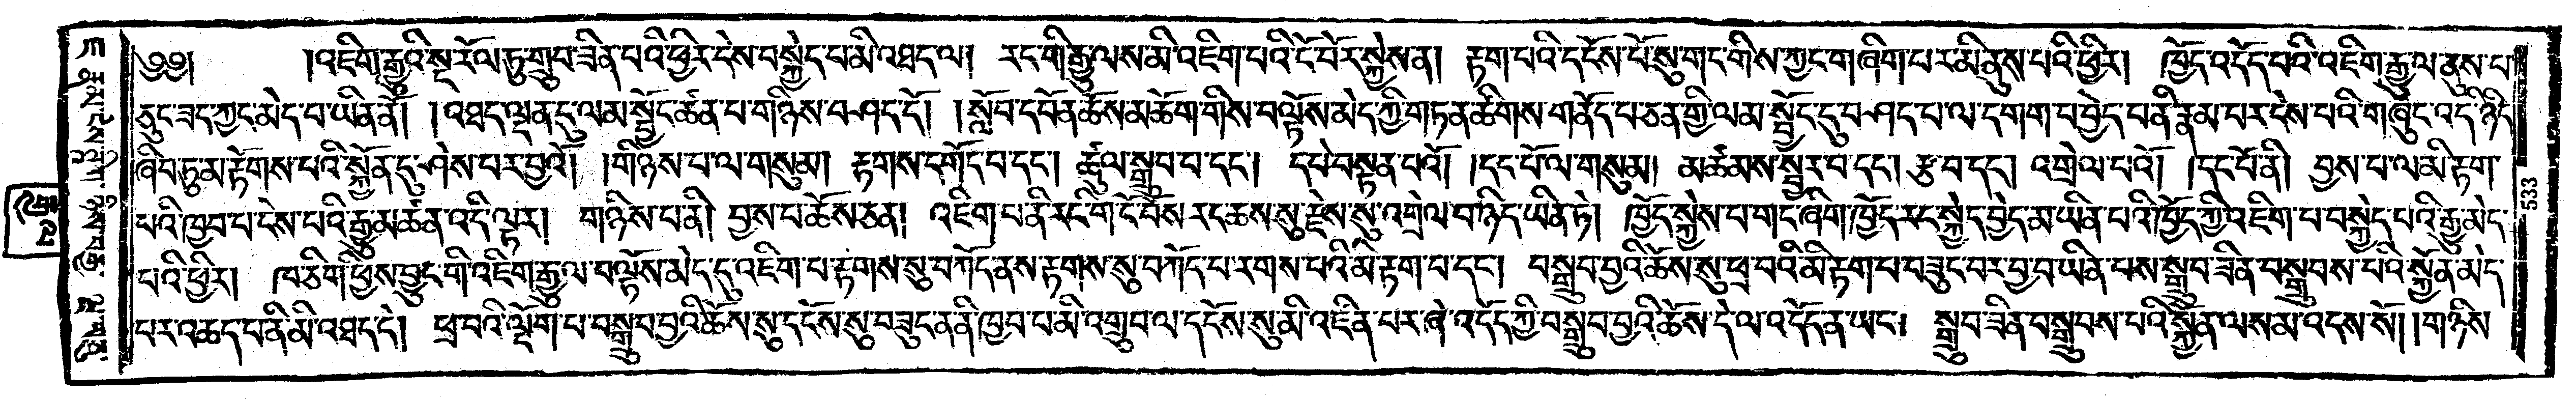༄༅། །འཇིག་རྒྱུའི་སྔ་རོལ་ཏུ་གྲུབ་ཟིན་པའི་ཕྱིར་དེས་བསྐྱེད་པ་མི་འཐད་ལ། རང་གི་རྒྱུ་ལས་མི་འཇིག་པའི་ངོ་བོར་སྐྱེས་ན། རྟག་པའི་དངོས་པོ་སུ་གང་གིས་ཀྱང་གཞིག་པར་མི་ནུས་པའི་ཕྱིར། ཁྱོད་འདོད་པའི་འཇིག་རྒྱུ་ལ་ནུས་པ་
ཅུང་ཟད་ཀྱང་མེད་པ་ཡིན་ནོ། །འཐད་ལྡན་དུ་ལམ་སྦྱོང་ཚན་པ་གཉིས་བཤད་དོ། །སློབ་དཔོན་ཆོས་མཆོག་གིས་བལྟོས་མེད་ཀྱི་གཏན་ཚིགས་གནོད་པ་ཅན་གྱི་ལམ་སྦྱོང་དུ་བཤད་པ་ལ་དགག་པ་བྱེད་པ་ནི་རྣམ་པར་ངེས་པའི་གཞུང་འདི་ཉིད་
ཞིབ་ཏུ་མ་རྟོགས་པའི་སྐྱོན་དུ་ཤེས་པར་བྱའོ། །གཉིས་པ་ལ་གསུམ། རྟགས་དགོད་པ་དང་། ཚུལ་སྒྲུབ་པ་དང་། དཔེ་བསྟན་པའོ། །དང་པོ་ལ་གསུམ། མཚམས་སྦྱར་བ་དང་། རྩ་བ་དང་། འགྲེལ་པའོ། །དང་པོ་ནི། བྱས་པ་ལ་མི་རྟག་
པའི་ཁྱབ་པ་ངེས་པའི་རྒྱུ་མཚན་འདི་ལྟར། གཉིས་པ་ནི། བྱས་པ་ཆོས་ཅན། འཇིག་པ་ནི་རང་གི་ངོ་བོས་རང་ཆས་སུ་རྗེས་སུ་འགྲེལ་པ་ཉིད་ཡིན་ཏེ། ཁྱོད་སྐྱེས་པ་གང་ཞིག་ཁྱོད་རང་སྐྱེད་བྱེད་མ་ཡིན་པའི་ཁྱོད་ཀྱི་འཇིག་པ་བསྐྱེད་པའི་རྒྱུ་མེད་
པའི་ཕྱིར། ཁ་ཅིག་ཕྱིས་བྱུང་གི་འཇིག་རྒྱུ་ལ་བལྟོས་མེད་དུ་འཇིག་པ་རྟགས་སུ་བཀོད་ནས་རྟགས་སུ་བཀོད་པ་རགས་པའི་མི་རྟག་པ་དང་། བསྒྲུབ་བྱའི་ཆོས་སུ་ཕྲ་བའི་མི་རྟག་པ་བཟུང་བར་བྱ་བ་ཡིན་པས་སྒྲུབ་ཟིན་བསྒྲུབས་པའི་སྐྱོན་མེད་
པར་འཆད་པ་ནི་མི་འཐད་དེ། ཕྲ་བའི་ལྡོག་པ་བསྒྲུབ་བྱའི་ཆོས་སུ་དངོས་སུ་བཟུང་ན་ནི་ཁྱབ་པ་མི་འགྲུབ་ལ་དངོས་སུ་མི་འཛིན་པར་ཞེ་འདོད་ཀྱི་བསྒྲུབ་བྱའི་ཆོས་དེ་ལ་འདོད་ན་ཡང་། སྒྲུབ་ཟིན་བསྒྲུབས་པའི་སྐྱོན་ལས་མ་འདས་སོ། །གཉིས་